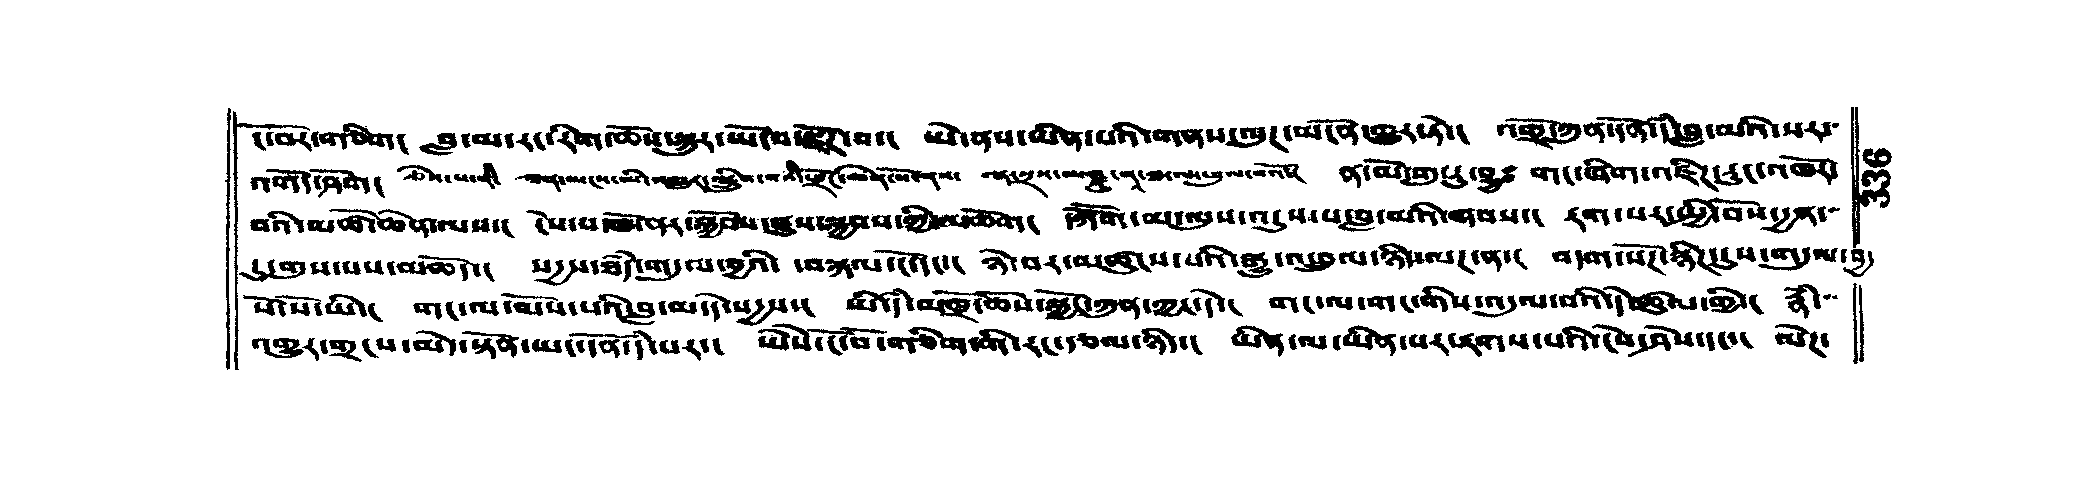ངོ་བོར་གཅིག །བླ་མ་རང་རིག་ཆོས་སྐུར་ཡོངས་རྫོགས་པ། །ཡེ་ནས་ཡིན་པའི་གནས་ལུགས་མངོན་གྱུར་ཏེ། །འགྲོ་ཀུན་དོན་དམ་བླ་མའི་སར་
འགོད་ཤོག ཅེས་པ་ནི། ཟབ་ཡངས་མི་འགྱུར་ལྷུན་གྱིས་གྲུབ་པའི་ཕོ་བྲང་ཆེན་པོ་ནས། ལྷ་སྲས་མཉྫུ་ནཱ་ཐ་ལ་ཕུལ་པའོ།། ན་མོ་གུ་རུ་བྷྱཿ གང་ཞིག་འཇིགས་རུང་འཁོར་
བའི་མཚོ་ཆེན་ལས། །ངེས་པ་ཁོ་ནར་སྐྱོབས་ནུས་སྐྱབས་ཀྱི་མཆོག །དཀོན་མཆོག་མ་ལུས་འདུས་པ་བླ་མའི་ཞབས། །རྟག་པར་སྤྱི་བོའི་རྒྱན་
དུ་གུས་པས་མཆོད། །སངས་རྒྱས་ཐམས་ཅད་གདུལ་བྱའི་བསྐལ་ངོ་དང་། །ཉེ་བར་མཚུངས་པའི་སྒྱུ་འཕྲུལ་ཉིད་ལགས་ན། །བདག་སོགས་སྙིགས་དུས་གདུལ་བྱ་
སོ་སོ་ཡི། །གང་ལ་མོས་པའི་བླ་མ་དེ་སངས་རྒྱས། །ཡི་དམ་མཁའ་འགྲོ་ཆོས་སྐྱོང་ཀུན་ཀྱང་དེ། །གང་ལ་གང་གིས་འདུལ་བའི་དེ་ཚུལ་གྱི། །རྣམ་
འགྱུར་གྲངས་མེད་སྟོན་ཡང་དོན་དམ་པར། །ཡེ་ཤེས་ངོ་བོ་གཅིག་གི་རང་རྩལ་ཉིད། །ཡིན་ལ་ཡིན་པར་རྟོགས་པའི་ངེས་ཤེས་དང་། །ལེགས་